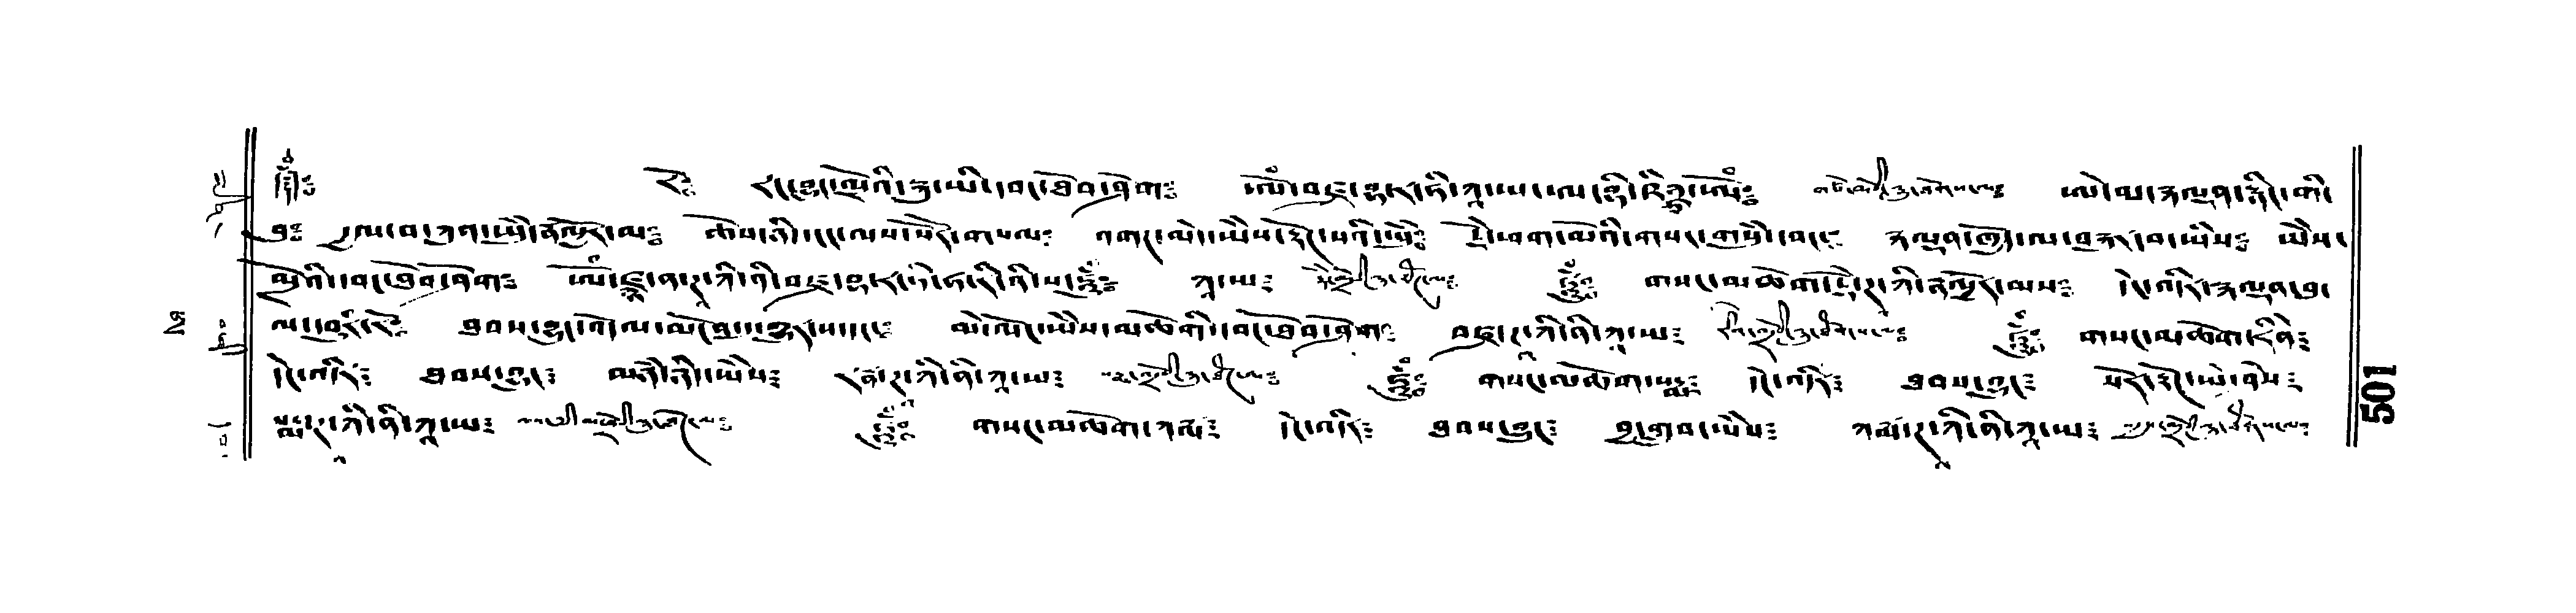རོ༔ རང་བྱུང་མཁའ་འགྲོའི་སྐུ་ཡི་དབང་འཐོབ་ཤོག༔ ཨོཾ་བཛྲ་བྷ་ར་ཧི་ཀཱ་ཡ་ཨ་བྷི་རིཉྩ་ཨོཾ༔ གཙོ་མོའི་སྐུ་ཐོགས་ལ༔ ཨེ་མ་སྐལ་ལྡན་རྙིང་གི་
བུ༔ རྒྱལ་བ་ཀུན་ཡུམ་རྣལ་འབྱོར་མ༔ ཆོས་ཉིད་ངང་ལས་སོ་སོར་གསལ༔ འགག་མེད་ཡེ་ཤེས་རྟོགས་པའི་ཡུམ༔ རྡོ་རྗེ་ཕག་མོའི་གསང་གསུམ་དབང༔ སྐལ་ལྡན་ཁྱོད་ལ་བསྐུར་བ་ཡིས༔ ཡེ་ཤེས་
མཁའ་འགྲོའི་དབང་ཐོབ་ཤོག༔ ཨོཾ་ཛྙཱ་ན་ཌཱ་ཀི་ནི་བཛྲ་བྷ་ར་ཧི་ཧ་རི་ནི་ས་ཧཱུྃ༔ ཀཱ་ཡ༴ རྡོ་རྗེ་མཁའ་འགྲོའི་སྐུ་ཐོགས་ལ༔ ཧཱུྃ༔ གསང་མཆོག་རྡོ་རྗེ་ཌཱ་ཀི་རྣལ་འབྱོར་མས༔ དེང་འདིར་སྐལ་ལྡན་བུ་
ལ་དབང་བསྐུར་རོ༔ ཐབས་བྱུང་འོད་གསལ་མངོན་དུ་འགྱུར་པ་དང༔ མེ་ལོང་ཡེ་ཤེས་མཆོག་གི་དབང་འཐོབ་ཤོག༔ བཛྲ་ཌཱ་ཀི་ནི་ཀཱ་ཡ༴ རིན་ཆེན་མཁའ་འགྲོའི་སྐུ་ཐོགས་ལ༔ ཧཱུྃ༔ གསང་མཆོག་རིན་ཆེན༴ 
དེང་འདིར༴ ཐབས་བྱུང༴ མཉམ་ཉིད་ཡེ་ཤེས༴ རཏྣ་ཌཱ་ཀི་ནི་ཀཱ་ཡ༴ པདྨ་མཁའ་འགྲོའི་སྐུ་ཐོགས་ལ༔ ཧཱུྃ༔ གསང་མཆོག་པདྨ༴ དེང་འདིར༴ ཐབས་བྱུང༴ སོར་རྟོགས་ཡེ་ཤེས༴ 
པདྨ་ཌཱ་ཀི་ནི་ཀཱ་ཡ༴ ལས་ཀྱི་མཁའ་འགྲོའི་སྐུ་ཐོགས་ལ༔ ཧཱུྃ༔ གསང་མཆོག་ཀརྨ༴ དེང་འདིར༴ ཐབས་བྱུང༴ བྱ་གྲུབ་ཡེ་ཤེས༴ ཀརྨ་ཌཱ་ཀི་ནི་ཀཱ་ཡ༴ སངས་རྒྱས་མཁའ་འགྲོའི་སྐུ་ཐོགས་ལ༔